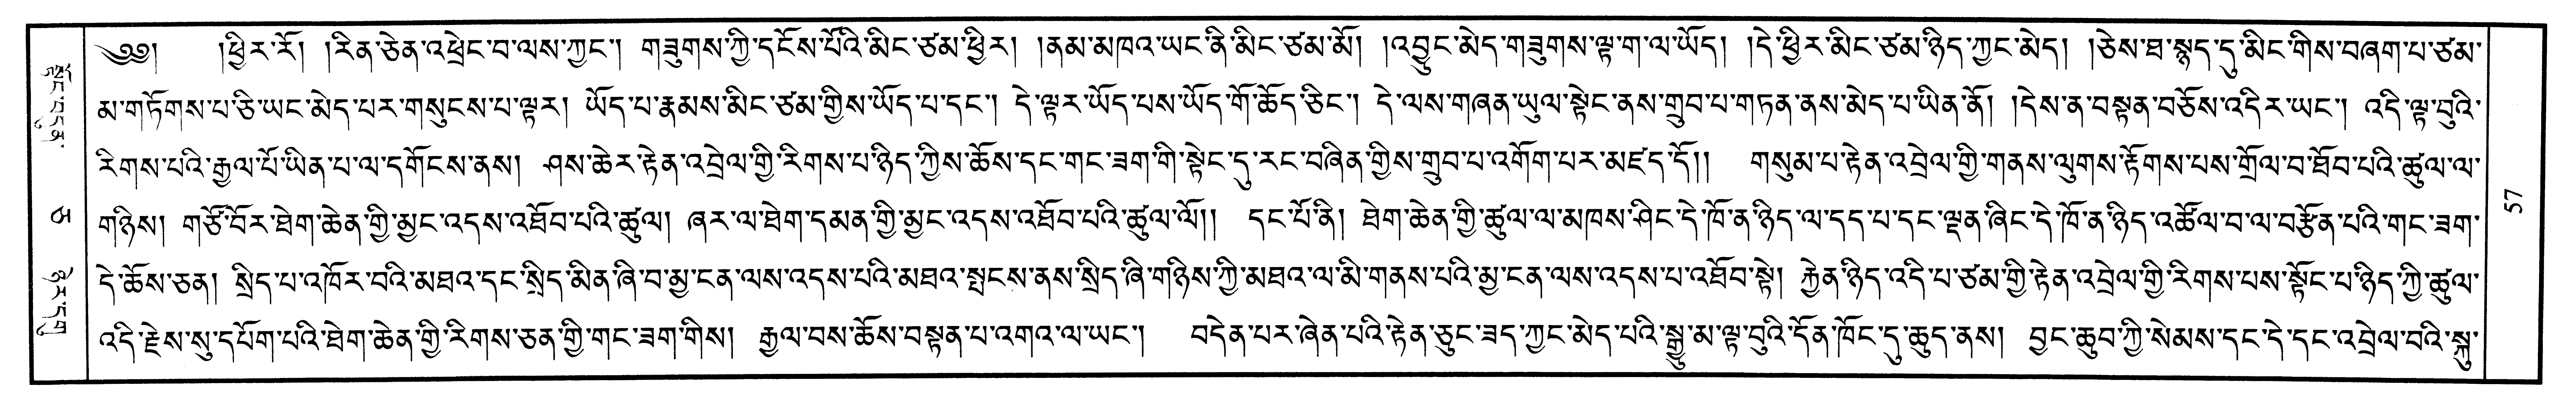༄༅། །ཕྱིར་རོ། །རིན་ཅེན་འཕྲེང་བ་ལས་ཀྱང་། གཟུགས་ཀྱི་དངོས་པོའི་མིང་ཙམ་ཕྱིར། །ནམ་མཁའ་ཡང་ནི་མིང་ཙམ་མོ། །འབྱུང་མེད་གཟུགས་ལྟ་ག་ལ་ཡོད། །དེ་ཕྱིར་མིང་ཙམ་ཉིད་ཀྱང་མེད། །ཅེས་ཐ་སྙད་དུ་མིང་གིས་བཞག་པ་ཙམ་
མ་གཏོགས་པ་ཅི་ཡང་མེད་པར་གསུངས་པ་ལྟར། ཡོད་པ་རྣམས་མིང་ཙམ་གྱིས་ཡོད་པ་དང་། དེ་ལྟར་ཡོད་པས་ཡོད་གོ་ཆོད་ཅིང་། དེ་ལས་གཞན་ཡུལ་སྟེང་ནས་གྲུབ་པ་གཏན་ནས་མེད་པ་ཡིན་ནོ། །དེས་ན་བསྟན་བཅོས་འདིར་ཡང་། འདི་ལྟ་བུའི་
རིགས་པའི་རྒྱལ་པོ་ཡིན་པ་ལ་དགོངས་ནས། ཤས་ཆེར་རྟེན་འབྲེལ་གྱི་རིགས་པ་ཉིད་ཀྱིས་ཆོས་དང་གང་ཟག་གི་སྟེང་དུ་རང་བཞིན་གྱིས་གྲུབ་པ་འགོག་པར་མཛད་དོ།། གསུམ་པ་རྟེན་འབྲེལ་གྱི་གནས་ལུགས་རྟོགས་པས་གྲོལ་བ་ཐོབ་པའི་ཚུལ་ལ་
གཉིས། གཙོ་བོར་ཐེག་ཆེན་གྱི་མྱང་འདས་འཐོབ་པའི་ཚུལ། ཞར་ལ་ཐེག་དམན་གྱི་མྱང་འདས་འཐོབ་པའི་ཚུལ་ལོ།། དང་པོ་ནི། ཐེག་ཆེན་གྱི་ཚུལ་ལ་མཁས་ཤིང་དེ་ཁོ་ན་ཉིད་ལ་དད་པ་དང་ལྡན་ཞིང་དེ་ཁོ་ན་ཉིད་འཚོལ་བ་ལ་བརྩོན་པའི་གང་ཟག་
དེ་ཆོས་ཅན། སྲིད་པ་འཁོར་བའི་མཐའ་དང་སྲིད་མིན་ཞི་བ་མྱ་ངན་ལས་འདས་པའི་མཐའ་སྤངས་ནས་སྲིད་ཞི་གཉིས་ཀྱི་མཐའ་ལ་མི་གནས་པའི་མྱ་ངན་ལས་འདས་པ་འཐོབ་སྟེ། རྐྱེན་ཉིད་འདི་པ་ཙམ་གྱི་རྟེན་འབྲེལ་གྱི་རིགས་པས་སྟོང་པ་ཉིད་ཀྱི་ཚུལ་
འདི་རྗེས་སུ་དཔོག་པའི་ཐེག་ཆེན་གྱི་རིགས་ཅན་གྱི་གང་ཟག་གིས། རྒྱལ་བས་ཆོས་བསྟན་པ་འགའ་ལ་ཡང་། བདེན་པར་ཞེན་པའི་རྟེན་ཅུང་ཟད་ཀྱང་མེད་པའི་སྒྱུ་མ་ལྟ་བུའི་དོན་ཁོང་དུ་ཆུད་ནས། བྱང་ཆུབ་ཀྱི་སེམས་དང་དེ་དང་འབྲེལ་བའི་སྐུ་